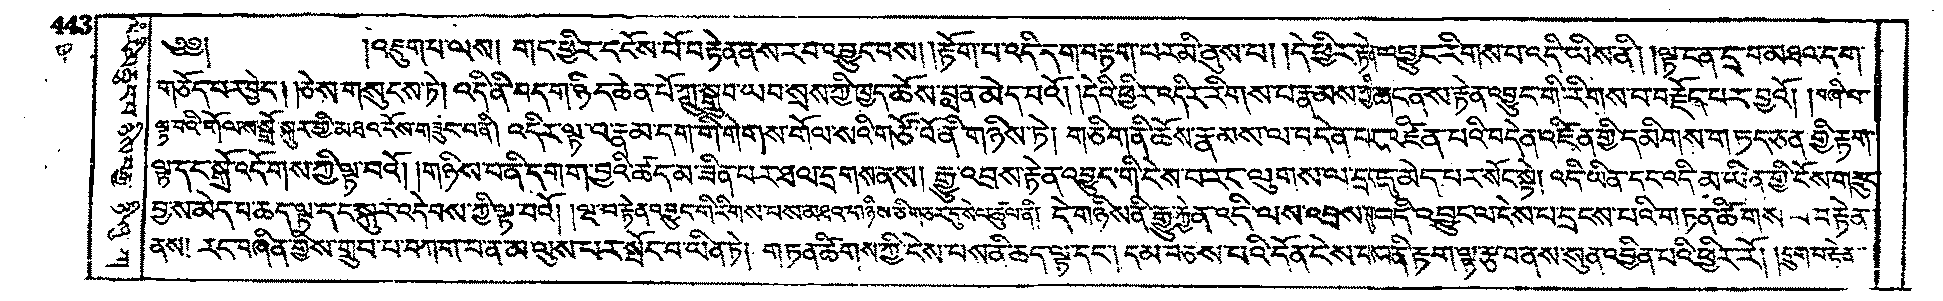༄༅། །འཇུག་པ་ལས། གང་ཕྱིར་དངོས་པོ་བརྟེན་ནས་རབ་འབྱུང་བས། །རྟོག་པ་འདི་དག་བརྟག་པར་མི་ནུས་པ། །དེ་ཕྱིར་རྟེན་འབྱུང་རིགས་པ་འདི་ཡིས་ནི། །ལྟ་ངན་དྲ་བ་མཐའ་དག་
གཅོད་པར་བྱེད། །ཅེས་གསུངས་ཏེ། འདི་ནི་བདག་ཉིད་ཆེན་པོ་ཀླུ་སྒྲུབ་ཡབ་སྲས་ཀྱི་ཁྱད་ཆོས་བླ་ན་མེད་པའོ། །དེའི་ཕྱིར་འདིར་རིགས་པ་རྣམས་ཀྱི་ནང་ནས་རྟེན་འབྱུང་གི་རིགས་པ་བརྗོད་པར་བྱའོ། །བཞི་པ་
ལྟ་བའི་གོ་ལས་སྒྲོ་སྐུར་གྱི་མཐའ་ངོས་གཟུང་བ་ནི། འདིར་ལྟ་བ་རྣམ་དག་གི་གེགས་གོལ་སའི་གཙོ་བོ་ནི་གཉིས་ཏེ། གཅིག་ནི་ཆོས་རྣམས་ལ་བདེན་པར་འཛིན་པའི་བདེན་འཛིན་གྱི་དམིགས་གཏད་ཅན་གྱི་རྟག་
ལྟ་དང་སྒྲོ་འདོགས་ཀྱི་ལྟ་བའོ། །གཉིས་བ་ནི་དགག་བྱའི་ཚད་མ་ཟིན་པར་ཐལ་དྲགས་ནས། རྒྱུ་འབྲས་རྟེན་འབྱུང་གི་ངེས་བ་རང་ལུགས་ལ་དྲང་དུ་མེད་པར་སོང་སྟེ། འདི་ཡིན་དང་འདི་མ་ཡིན་གྱི་ངོས་གཟུང་
བྱ་ས་མེད་པ་ཆད་ལྟ་དང་སྐུར་འདེབས་ཀྱི་ལྟ་བའོ། །ལྔ་བ་རྟེན་འབྱུང་གི་རིགས་པས་མཐའ་གཉིས་ཅིག་ཅར་དུ་སེལ་ཚུལ་ནི།  དེ་གཉིས་ནི་རྒྱུ་རྐྱེན་འདི་ལས་འབྲས་བུ་འདི་འབྱུང་ལ་ངེས་པ་དྲངས་པའི་གཏན་ཚིགས་ལ་བརྟེན་
ནས། རང་བཞིན་གྱིས་གྲུབ་པ་བཀག་པ་ན་མ་ལུས་པར་སྤོང་བ་ཡིན་ཏེ། གཏན་ཚིགས་ཀྱི་ངེས་པས་ནི་ཆད་ལྟ་དང་། དམ་བཅས་པའི་དོན་ངེས་པས་ནི་རྟག་ལྟ་རྩ་བ་ནས་སུན་འབྱིན་པའི་ཕྱིར་རོ། །དྲུག་པ་རྟེན་